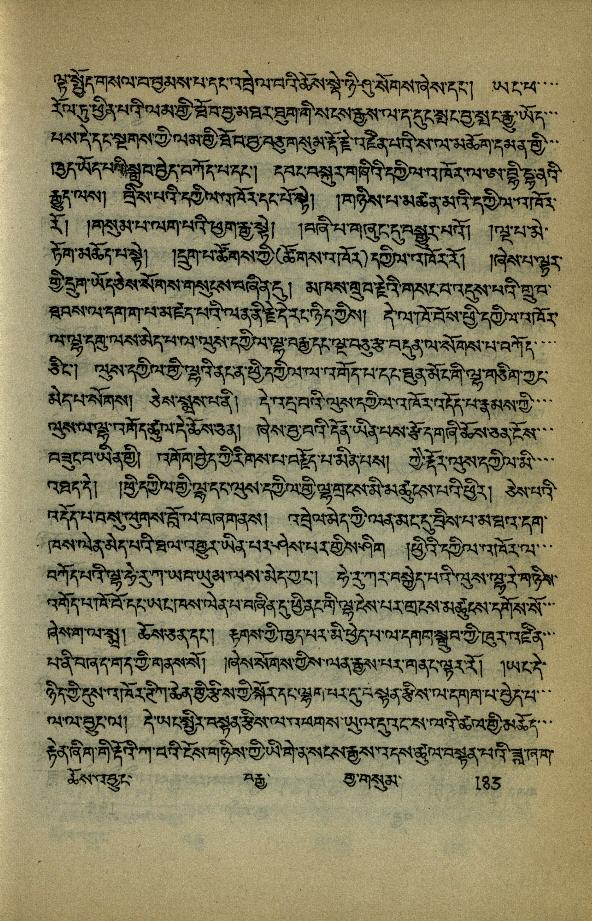ལྟ་སྤྱོད་གསལ་བ་བྱམས་པ་དང་འབྲེལ་བའི་ཆོས་སྡེ་ཉི་ཤུ་སོགས་ཞེས་དང་། ཡང་ཕ་
རོལ་ཏུ་ཕྱིན་པའི་ལམ་གྱི་ཐོབ་བྱ་མཐར་ཐུག་གི་སངས་རྒྱས་ལ་ད་དུང་སྤང་བྱ་སྤང་རྒྱུ་ཡོད་
པས་དེ་དང་སྔགས་ཀྱི་ལམ་གྱི་ཐོབ་བྱ་བཅུ་གསུམ་རྡོ་རྗེ་འཛིན་པའི་ས་ལ་མཆོག་དམན་གྱི་
ཁྱད་ཡོད་པའི་སྒྲུབ་བྱེད་བཀོད་པ་དང་། དབང་བསྐུར་གཞིའི་དཀྱིལ་འཁོར་ལ་ཨ་བྷི་དྷ་ནའི་
རྒྱུད་ལས། བྲིས་པའི་དཀྱིལ་འཁོར་དང་པོ་སྟེ། །གཉིས་པ་མཚན་མའི་དཀྱིལ་འཁོར་
རོ། །གསུམ་པ་ལག་པའི་ཕྱག་རྒྱ་སྟེ། །བཞི་པ་གཞུང་དུ་བསྒྱུར་པའོ། །ལྔ་པ་མེ་
ཏོག་མཆོད་པ་སྟེ། །དྲུག་པ་ཚོགས་ཀྱི་ཚོགས་འཁོར་དཀྱིལ་འཁོར་རོ། །ཞེས་པ་ལྟར་
གྱི་དྲུག་ཡོད་ཅེས་སོགས་གསུངས་བཞིན་དུ། མཁས་གྲུབ་རྗེའི་གསང་བ་འདུས་པའི་གྲུབ་
ཐབས་ལ་དགག་པ་མཛད་པའི་ལན་ནི་རྗེ་དེ་རང་ཉིད་ཀྱིས། དེ་ལ་ཁོ་བོས་ཕྱི་དཀྱིལ་འཁོར་
ལ་ལྷ་དགུ་ལས་མེད་པ་ལ་ལུས་དཀྱིལ་ལྷ་བརྒྱ་དང་ལྔ་བཅུ་རྩ་བདུན་ལ་སོགས་པ་བཀོད་
ཅིང་། ལུས་དཀྱིལ་གྱི་ལྷའི་ནང་ན་ཕྱི་དཀྱིལ་ལ་འགོད་པ་དང་ཐུན་མོང་གི་ལྷ་གཅིག་ཀྱང་
མེད་པ་སོགས། ཅེས་སྨྲས་པ་ནི། དེ་འདྲ་བའི་ལུས་དཀྱིལ་འཁོར་འདོད་པ་རྣམས་ཀྱི་
ལུས་ལ་ལྷ་འགོད་ཚུལ་དེ་ཆོས་ཅན། ཞེས་བྱ་བའི་དོན་ཡིན་པས་རྩོད་གཞི་ཆོས་ཅན་ངོས་
བཟུང་བ་ཡིན་གྱི། འགོག་བྱེད་ཀྱི་རིགས་པ་བརྗོད་པ་མིན་པས། ཀྱཻ་རྡོར་ལུས་དཀྱིལ་མི་
འཐད་དེ། །ཕྱི་དཀྱིལ་གྱི་ལྷ་དང་ལུས་དཀྱིལ་གྱི་ལྷ་གྲངས་མི་མཚུངས་པའི་ཕྱིར། ཅེས་པའི་
འདོད་པ་བསུ་ལུགས་བློ་ལ་བཞག་ནས། འབྲེལ་མེད་ཀྱི་ལན་མང་དུ་བྲིས་པ་མཐའ་དག་
ཁས་ལེན་མེད་པའི་ཐལ་འགྱུར་ཡིན་པར་ཤེས་པར་གྱིས་ཤིག །ཕྱིའི་དཀྱིལ་འཁོར་ལ་
བཀོད་པའི་ལྷ་ཧེ་རུ་ཀ་ཡབ་ཡུམ་ལས་མེད་ཀྱང་། ཧེ་རུ་ཀར་བསྐྱེད་པའི་ལུས་ལྷ་རེ་གཉིས་
འགོད་པ་ཁོ་བོ་དང་ཡང་ཁས་ལེན་པ་བཞིན་དུ་ཕྱི་ནང་གི་ལྷ་ངེས་པར་གྲངས་མཚུངས་དགོས་སོ་
ཞེས་ག་ལ་སྨྲ། ཆོས་ཅན་དང་། རྟགས་ཀྱི་ཁྱད་པར་མི་ཕྱེད་པ་ལ་དགག་སྒྲུབ་ཀྱི་ཁུར་འཛིན་
པ་ནི་བཞད་གད་ཀྱི་གནས་སོ། །ཞེས་སོགས་ཀྱིས་ལན་རྒྱས་པར་གནང་ལྟར་རོ། །ཡང་དེ་
ཉིད་ཀྱི་དུས་འཁོར་ཊིཀ་ཆེན་གྱི་རྩིས་ཀྱི་སྐོར་དང་ལྷག་པར་དུ་བསྟན་རྩིས་ལ་དགག་པ་བྱེད་པ་
ལ་ལ་བྱུང་ལ། དེ་ཡང་སྤྱིར་བསྟན་རྩིས་ལ་འཕགས་ཡུལ་དུའང་ས་ལའི་ཚལ་གྱི་མཆོད་
རྟེན་ཞིག་གི་རྡོའི་ཀ་བའི་ངོས་གཉིས་ཀྱི་ཡི་གེ་ན་སངས་རྒྱས་འདས་ཚུལ་བསྟན་པའི་ཟླ་ཞག་